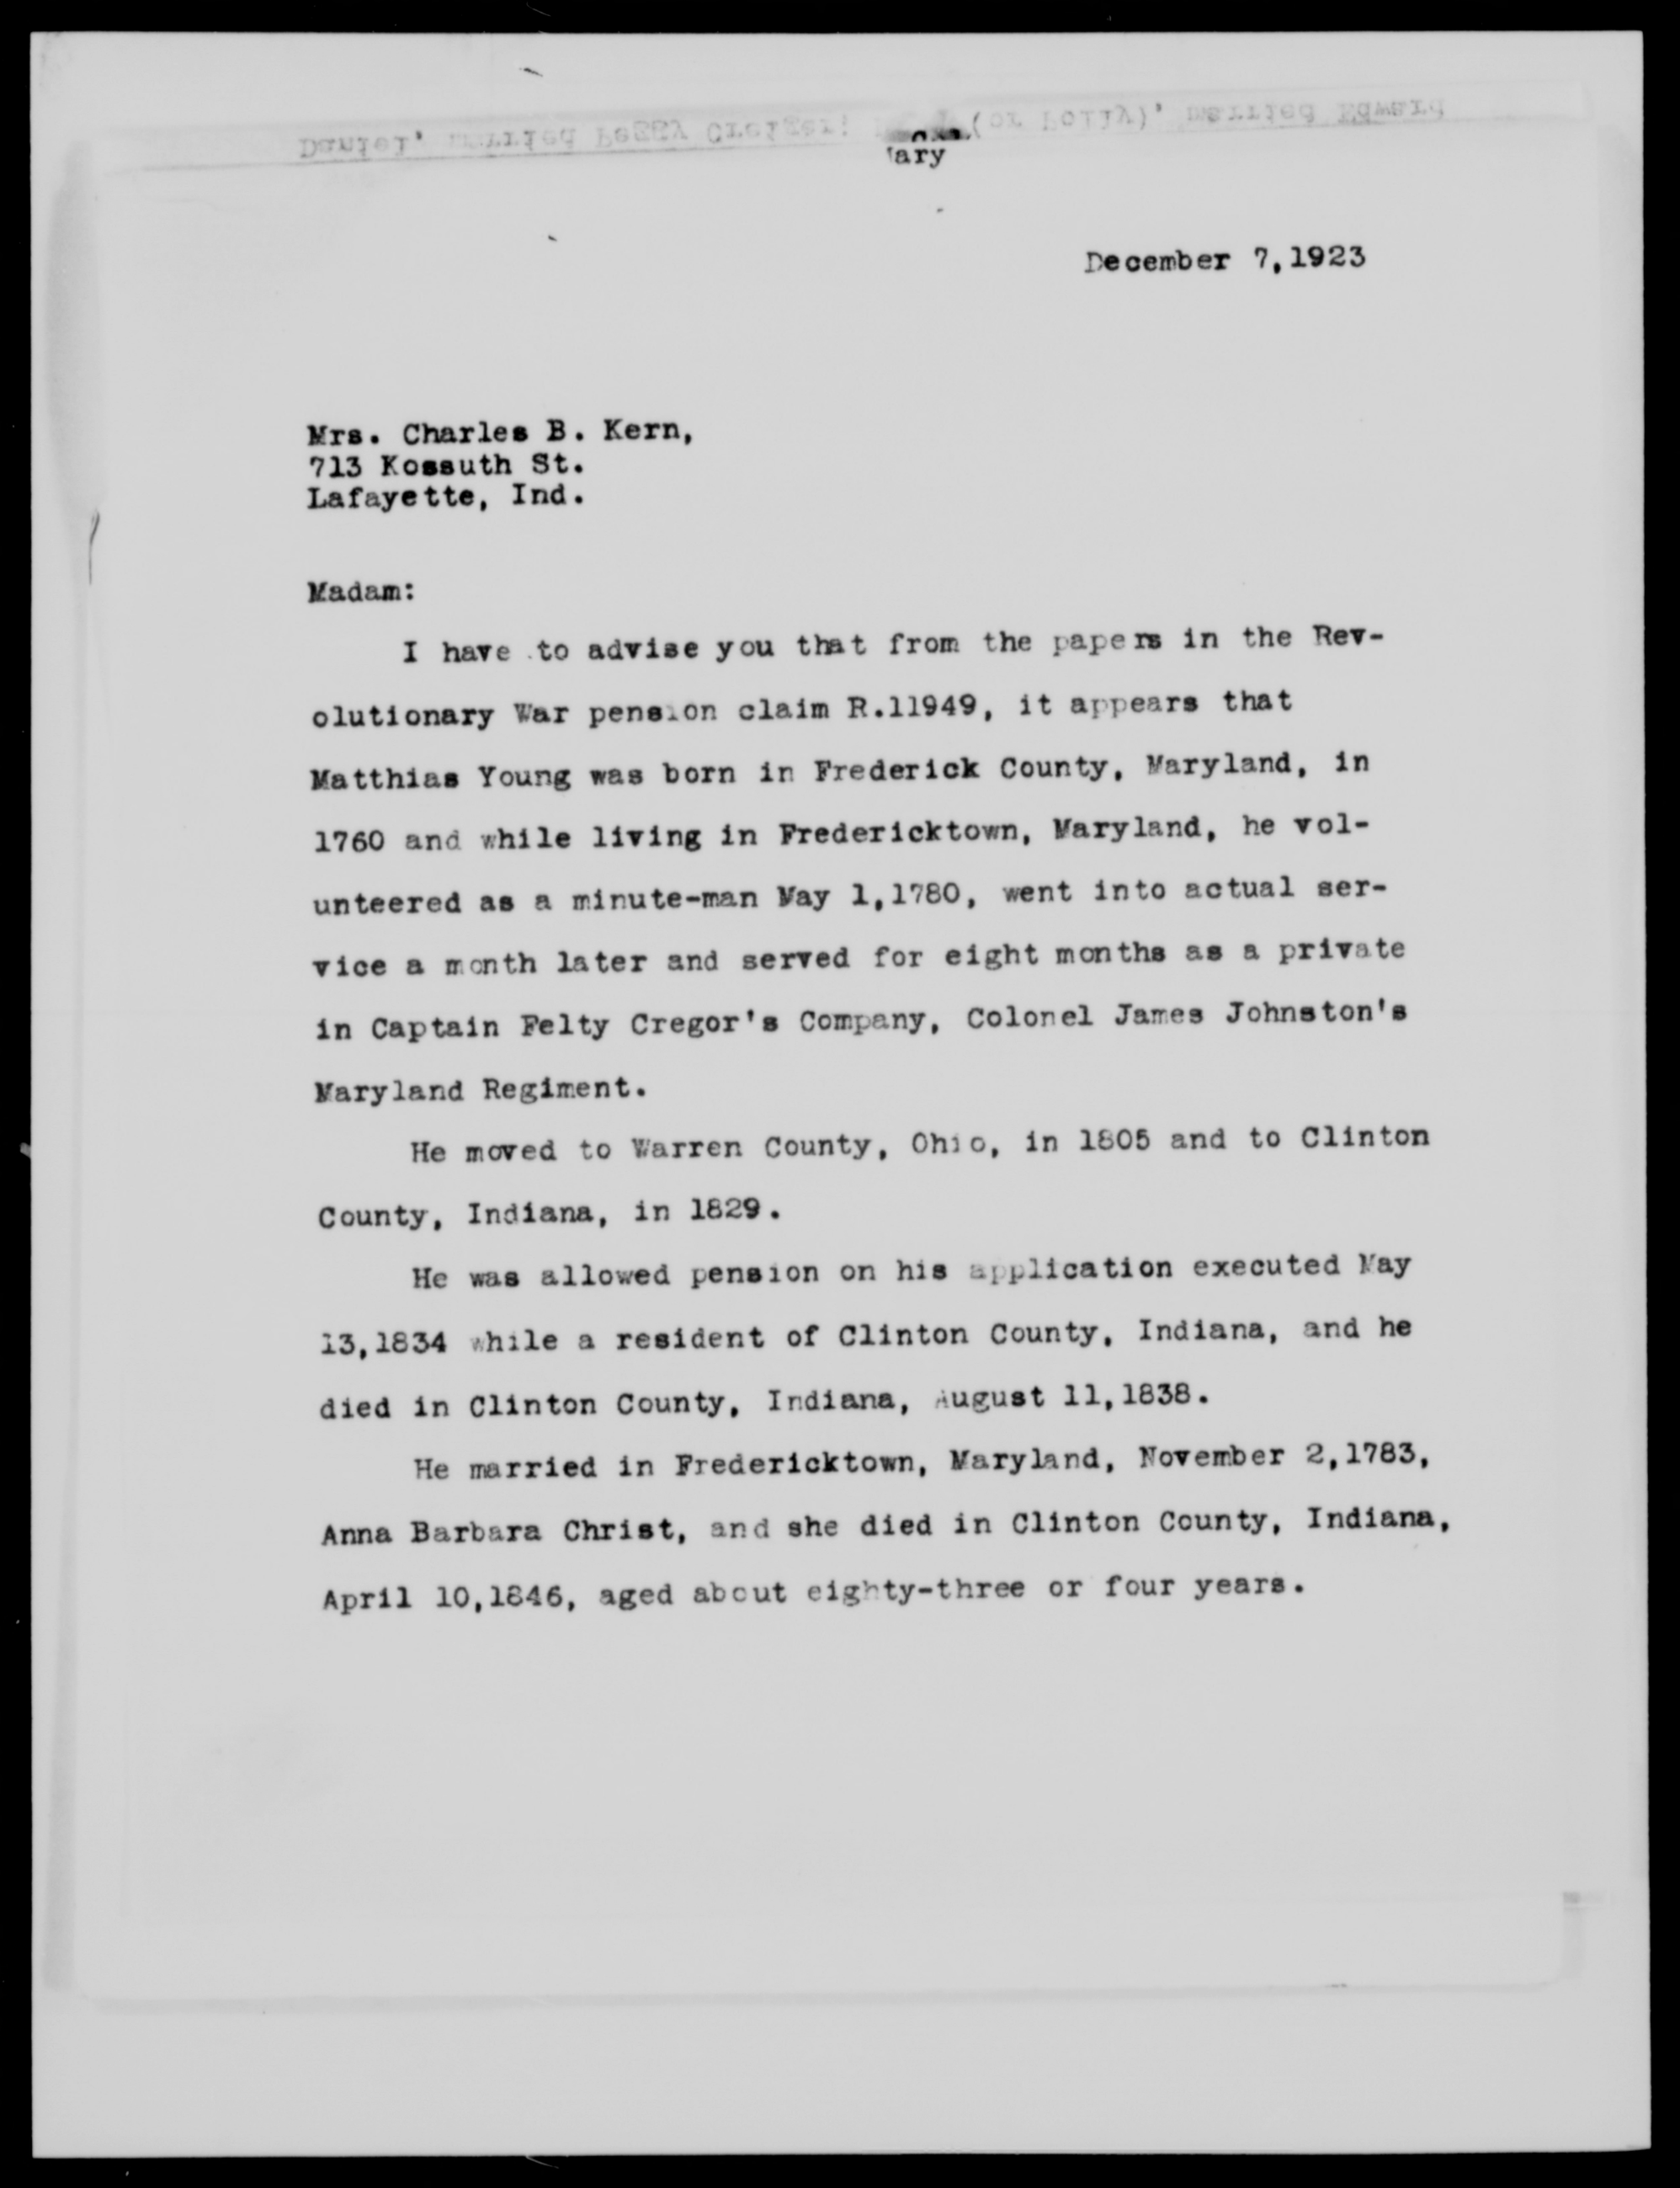December 7, 1923

Mrs. Charles B. Kern,
713 Kossuth St.
Lafayette, Ind.

Madam:
I have to advise you that from the papers in the Revvolutionary War pension claim R.11949, it appears that Matthias Young was born in Frederick County, Maryland, in 1760 and while living in Fredericktown, Maryland, he volunteered as a minute-man May 1, 1780, went into actual service a month later and served for eight months as a private in Captain Felty Cregor's Company, Colonel James Johnston's
Maryland Regiment.
He moved to Warren County, Ohio, in 1805 and to Clinton County, Indiana, in 1829. He was allowed pension on his application executed May 13, 1834 while a resident of Clinton County, Indiana, and he died in Clinton County, Indiana, August 11, 1838.
He married in Fredericktown, Maryland, ovember 2, 1783, Anna Barbara Christ, and she died in Clinton County, Indiana, April 10, 1846, aged about eighty-three or four years.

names: Matthias Young, Anna Barbara Christ, Charles B Kern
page: 53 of 123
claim: rejected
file: R. 11,949, Matthias Young, Md.